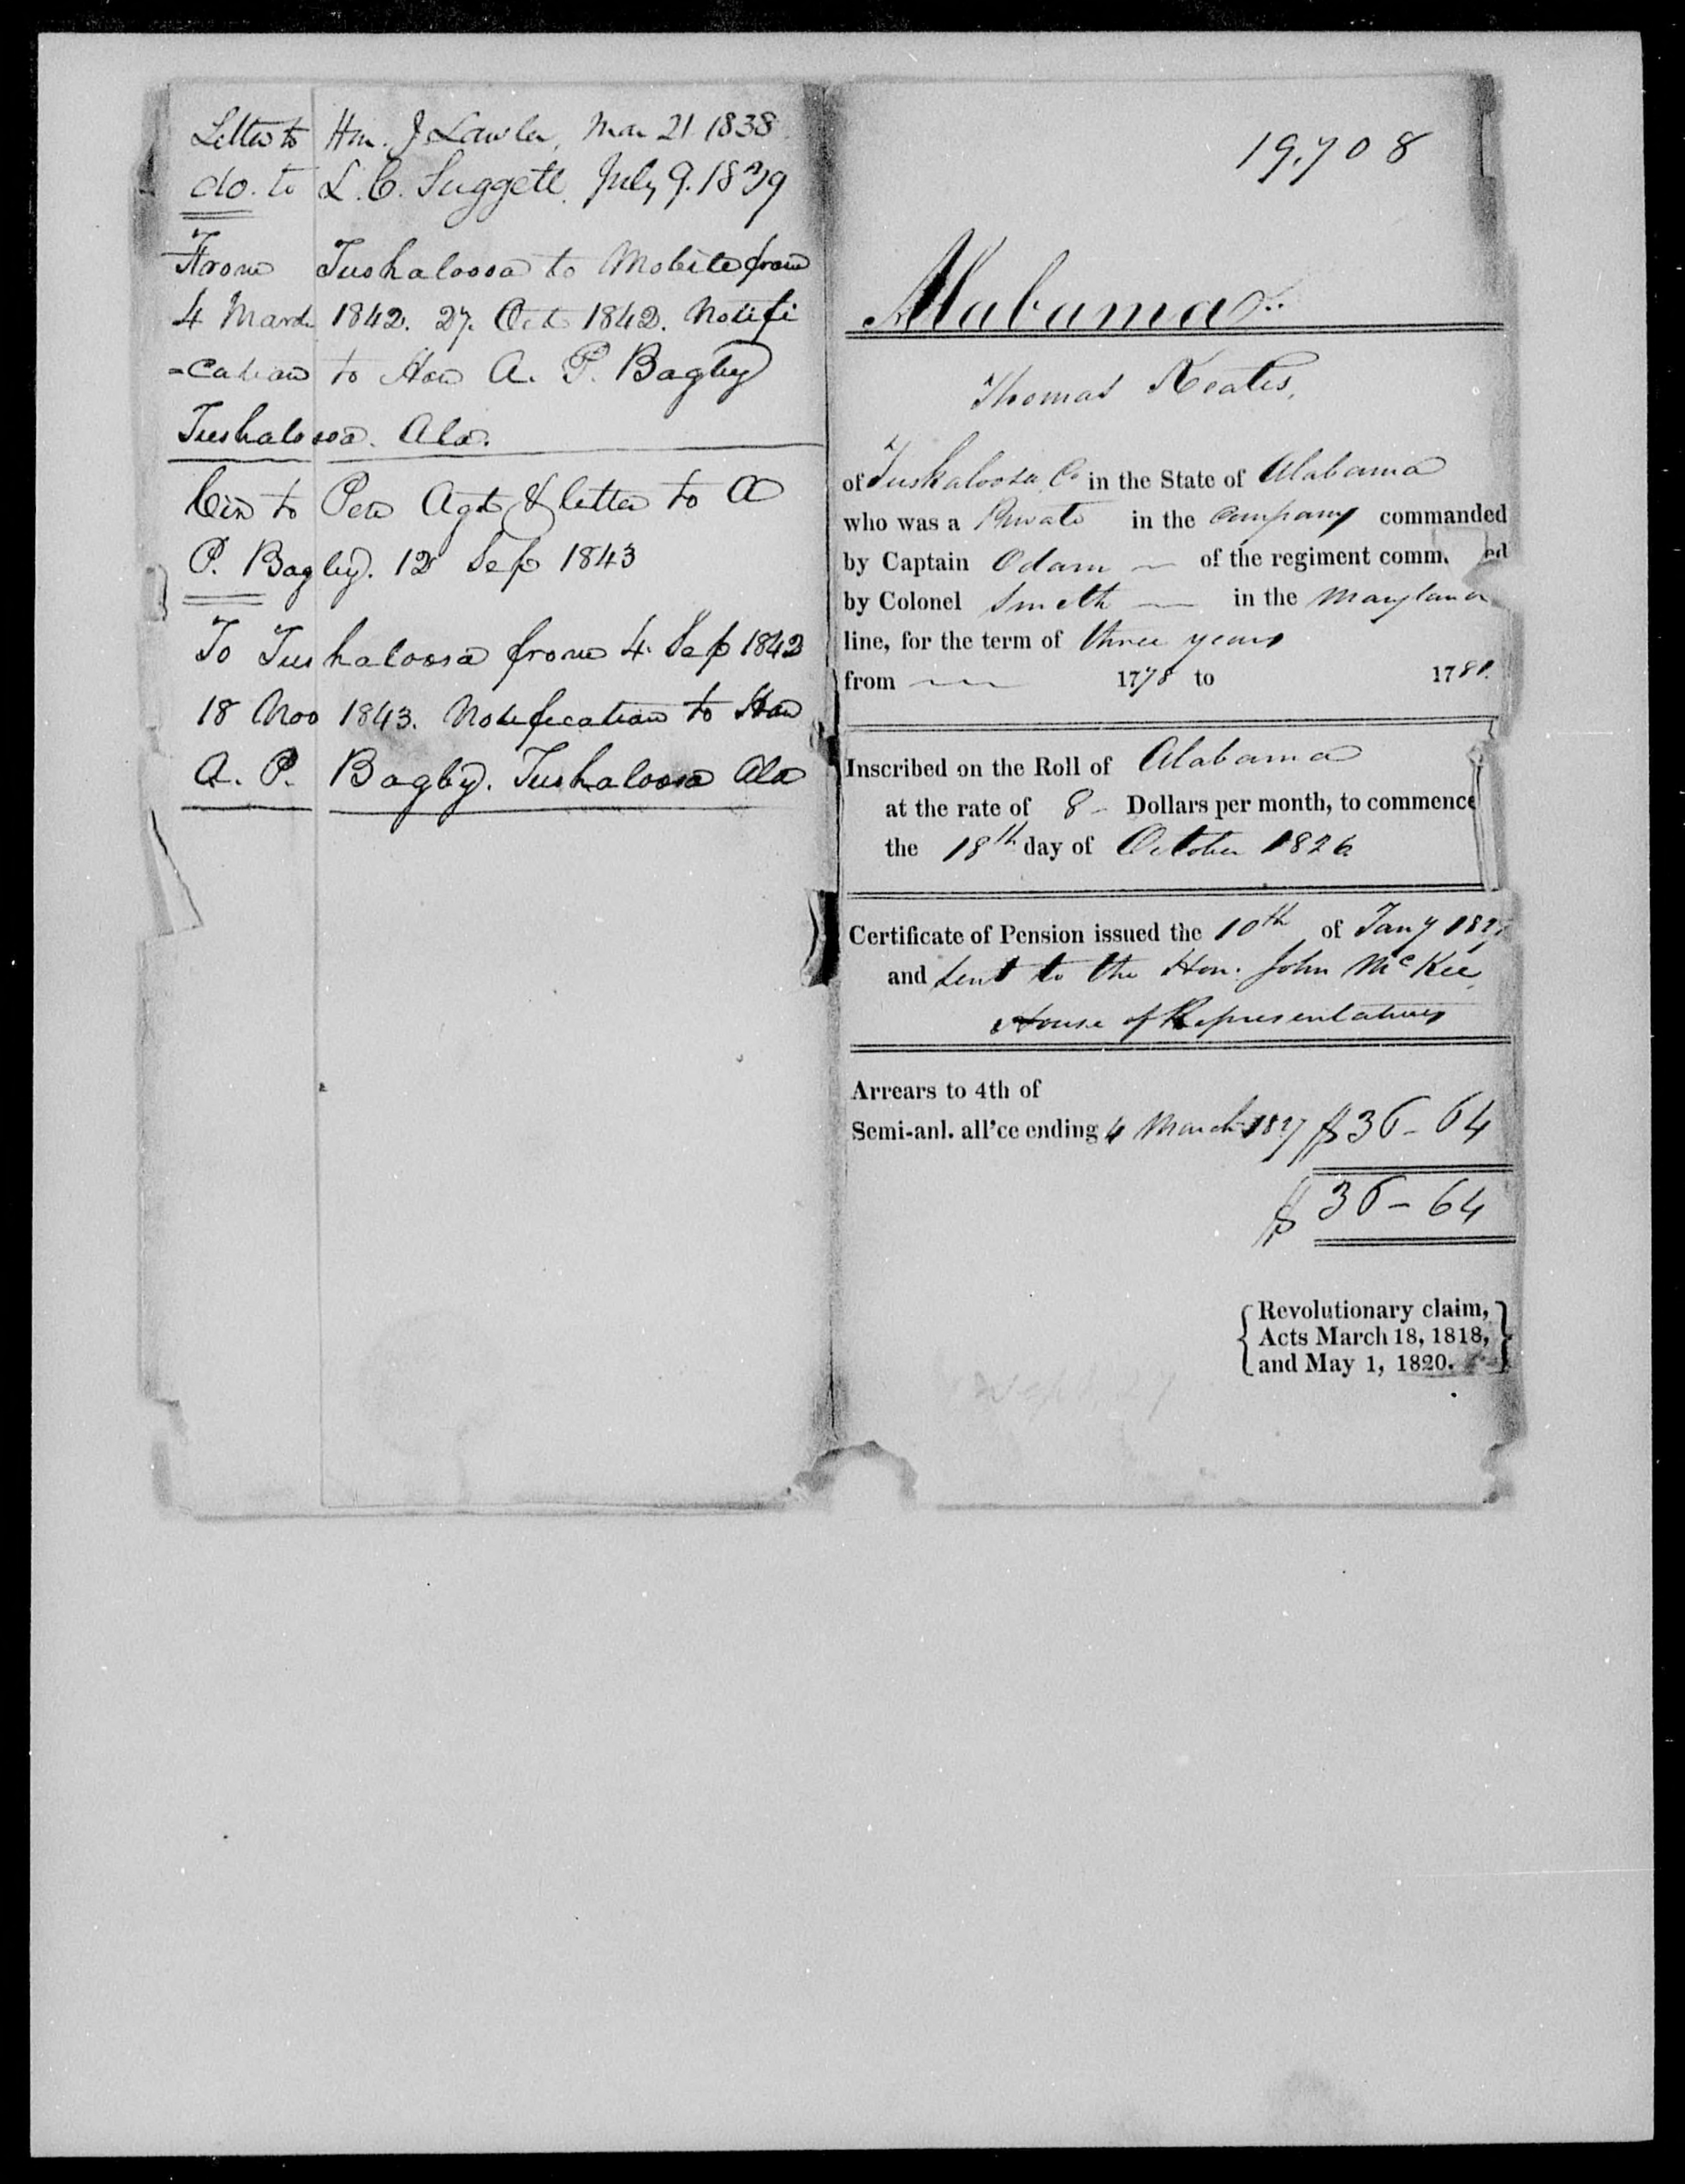Letter to Hon. J. Lawler Mar 21 1838
clo. to L.C. Lugette July 9. 1839
From Tuskaloosa to Mobile from 4 March 1842. 27. Oct 1842. Notification to Hon A. P. Bagley Tuskaloosa Ala. 
Cin to Pen Agt & letter to A. P. Bagley. 12 Sep 1843
To Tuskaloosa from 4. Sep 1842
18 Nov 1843 Notification to Hon A.P. Bagley. Tuskaloosa Ala

19.708
Alabama
Thomas Keates
of Tuskaloosa Co in the State of Alabama 
who was a Private in the Company commanded 
by Captain Odam of the regiment commanded by Colonel Smith in the Maryland line, for the term of three years from 1778 to 1781.
Inscribed on the Roll of Alabama at the rate 8 Dollars per month, to commence the 18th day of October 1826.
Certificate  of Pension issued to the 10th of Jany 1818 and sent to the Hon. John McKee.
House of Representatives 
Arrears to the 4th of
Semi=anl. all'ce ending 4 Match 182[?] $36.04
$ 36.04
Revolutionary claim, Acts March 18, 1818, and May 1, 1820.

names: John Mc Kee; A P Bagby; [BLANK] Smith; [BLANK] Adams; J Lawler; L C Suggett; Thomas Keates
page: 2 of 25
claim: survivor's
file: S. 38109, for Thomas Keates, Maryland